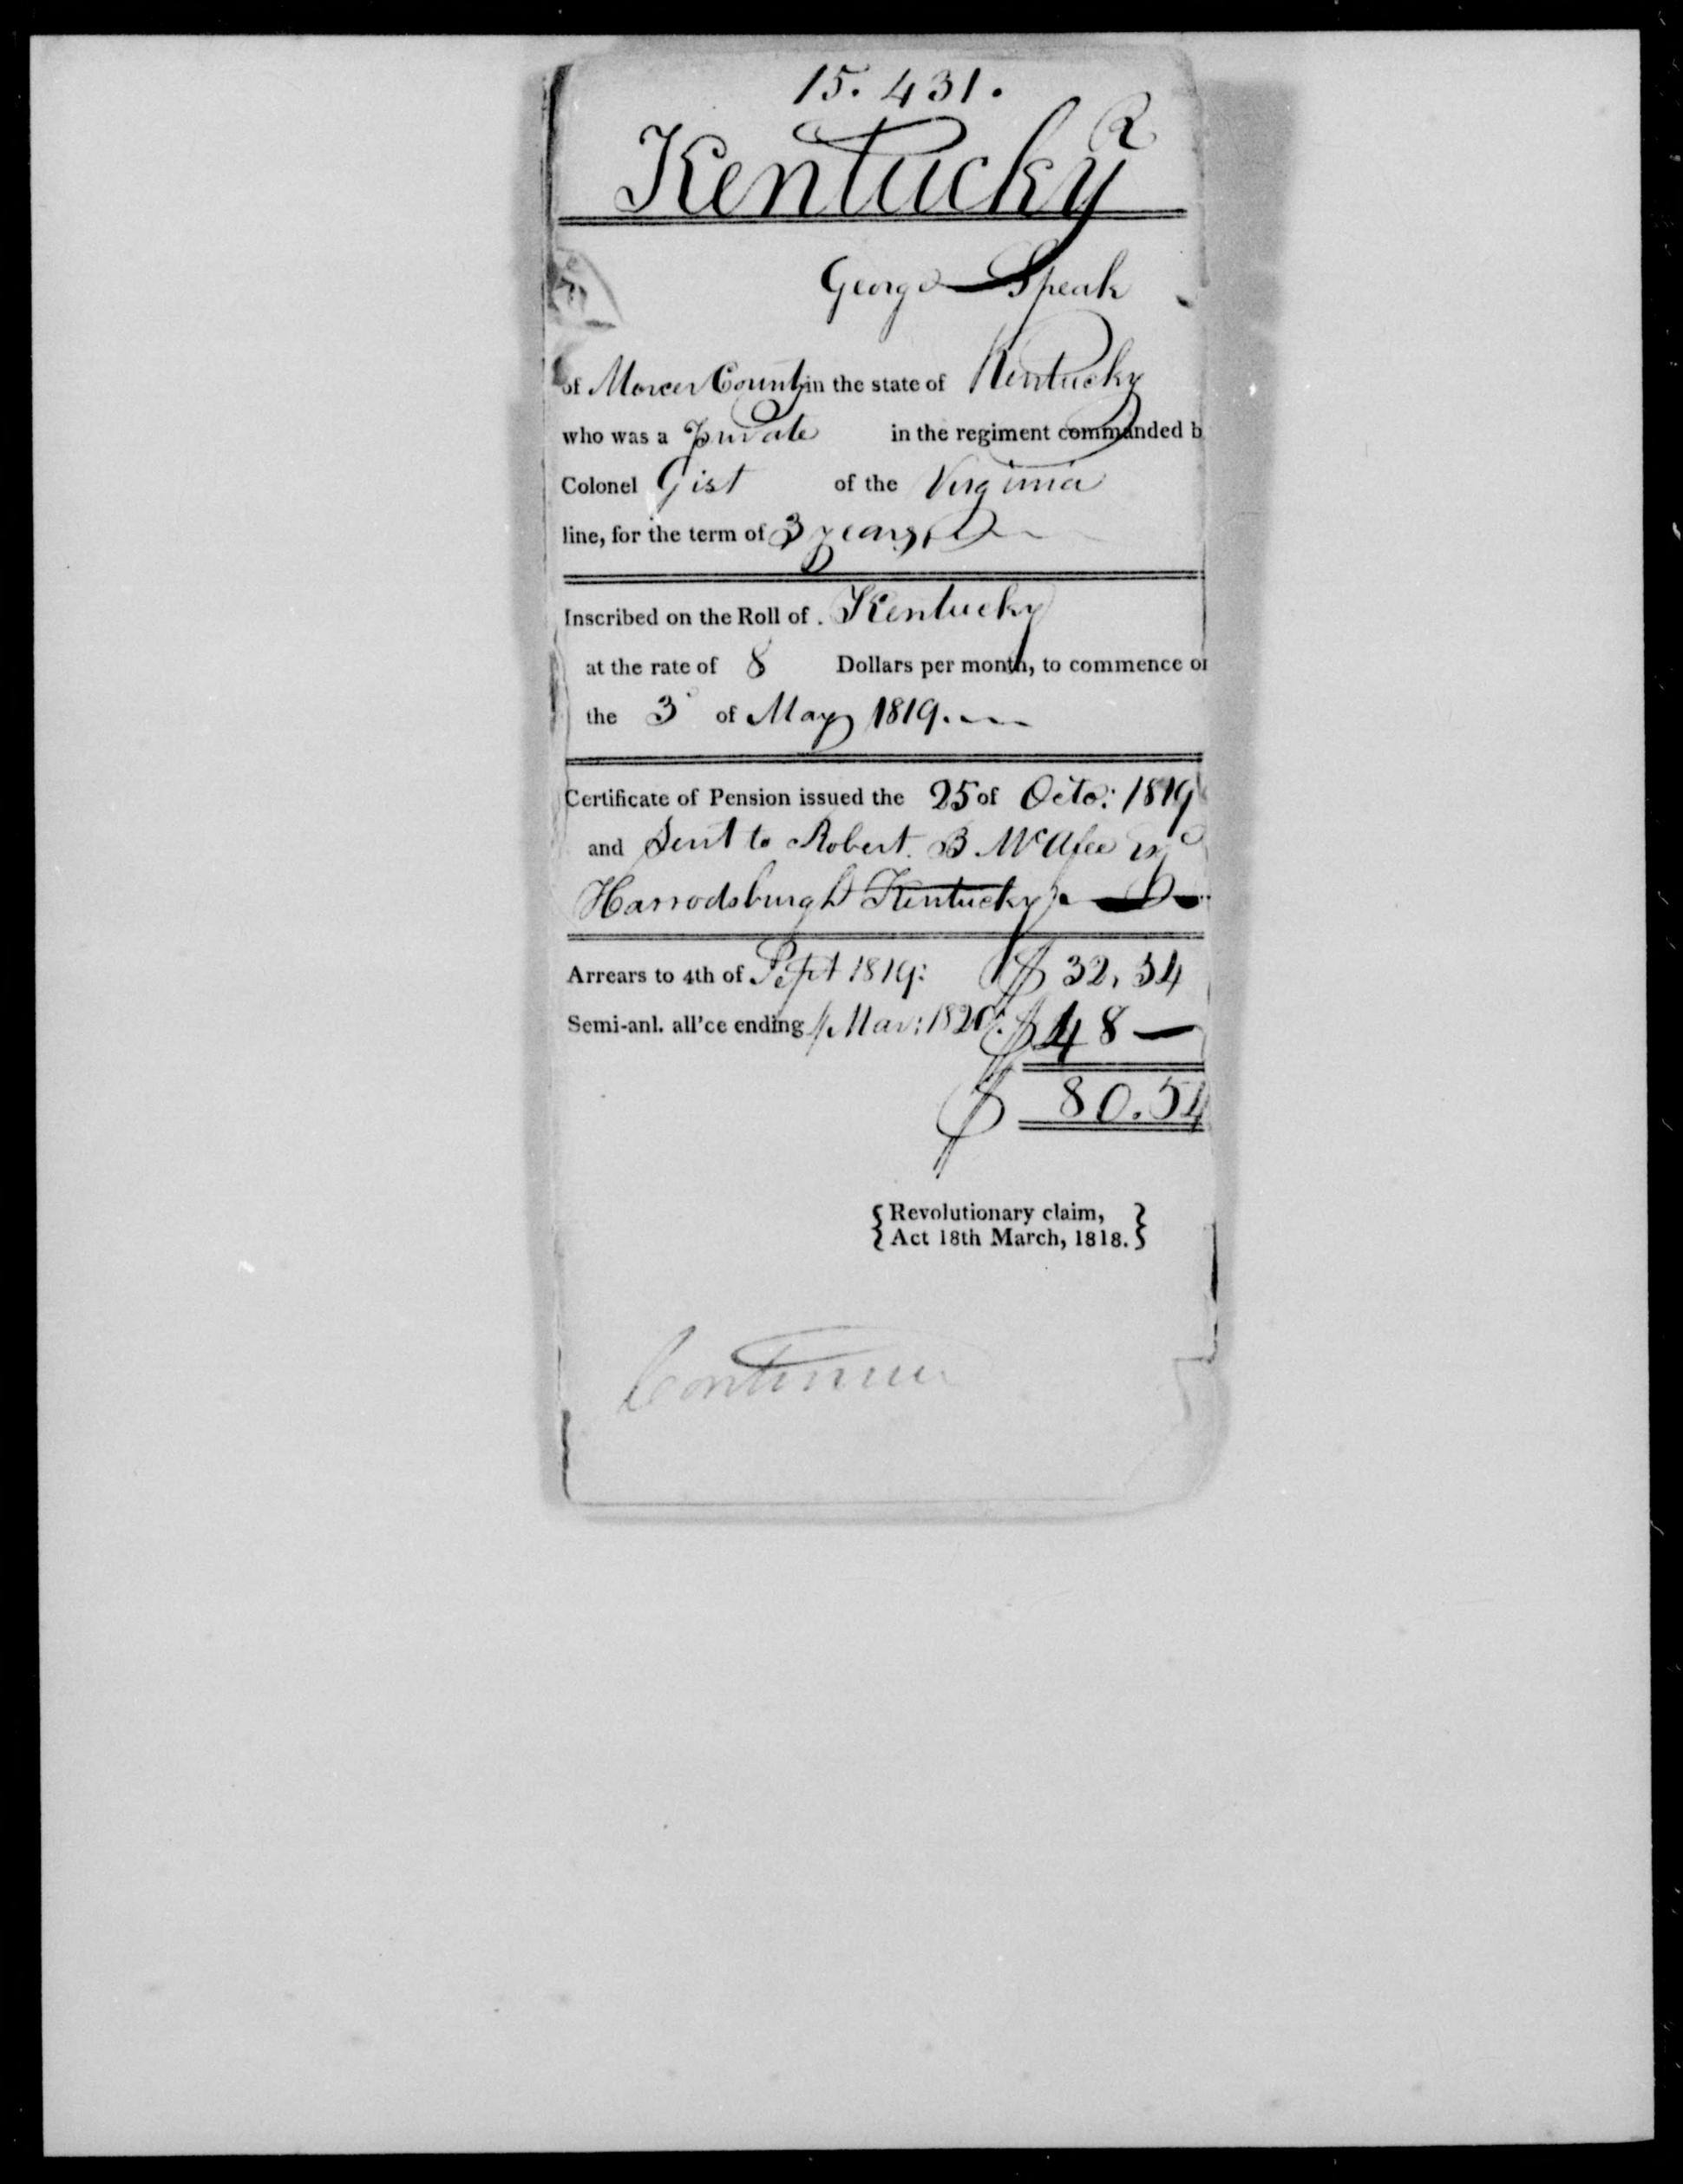15.431
Kentucky R

George Speak
of Mercer County in the state of Kentucky
who was a private in the regiment commanded by Colonel Gist of the Virginia 
line, for the term of 3 years

Inscribed on the Roll of Kentuckky
at the rate of 8 Dollars per month to commence on the 3d of May 1819.

Certificate of Pension issued the 25 of Octo. 1819
and sent to Robert B. McAfee, Esq. Harrodburgh Kentucky -

Arrears to the 4th of Sept. 1819:  $32.34
Semi-anl. all'ce ending 4 Mar: 1820 $48.-=
$80.54
{Revolutionary claim,}
{Act 18th March, 1818.}

Continued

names: [BLANK] Gist; George Speak; Robert B Mc Afee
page: 2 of 15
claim: survivor's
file: S. 37,435, for George Speak, Virginia